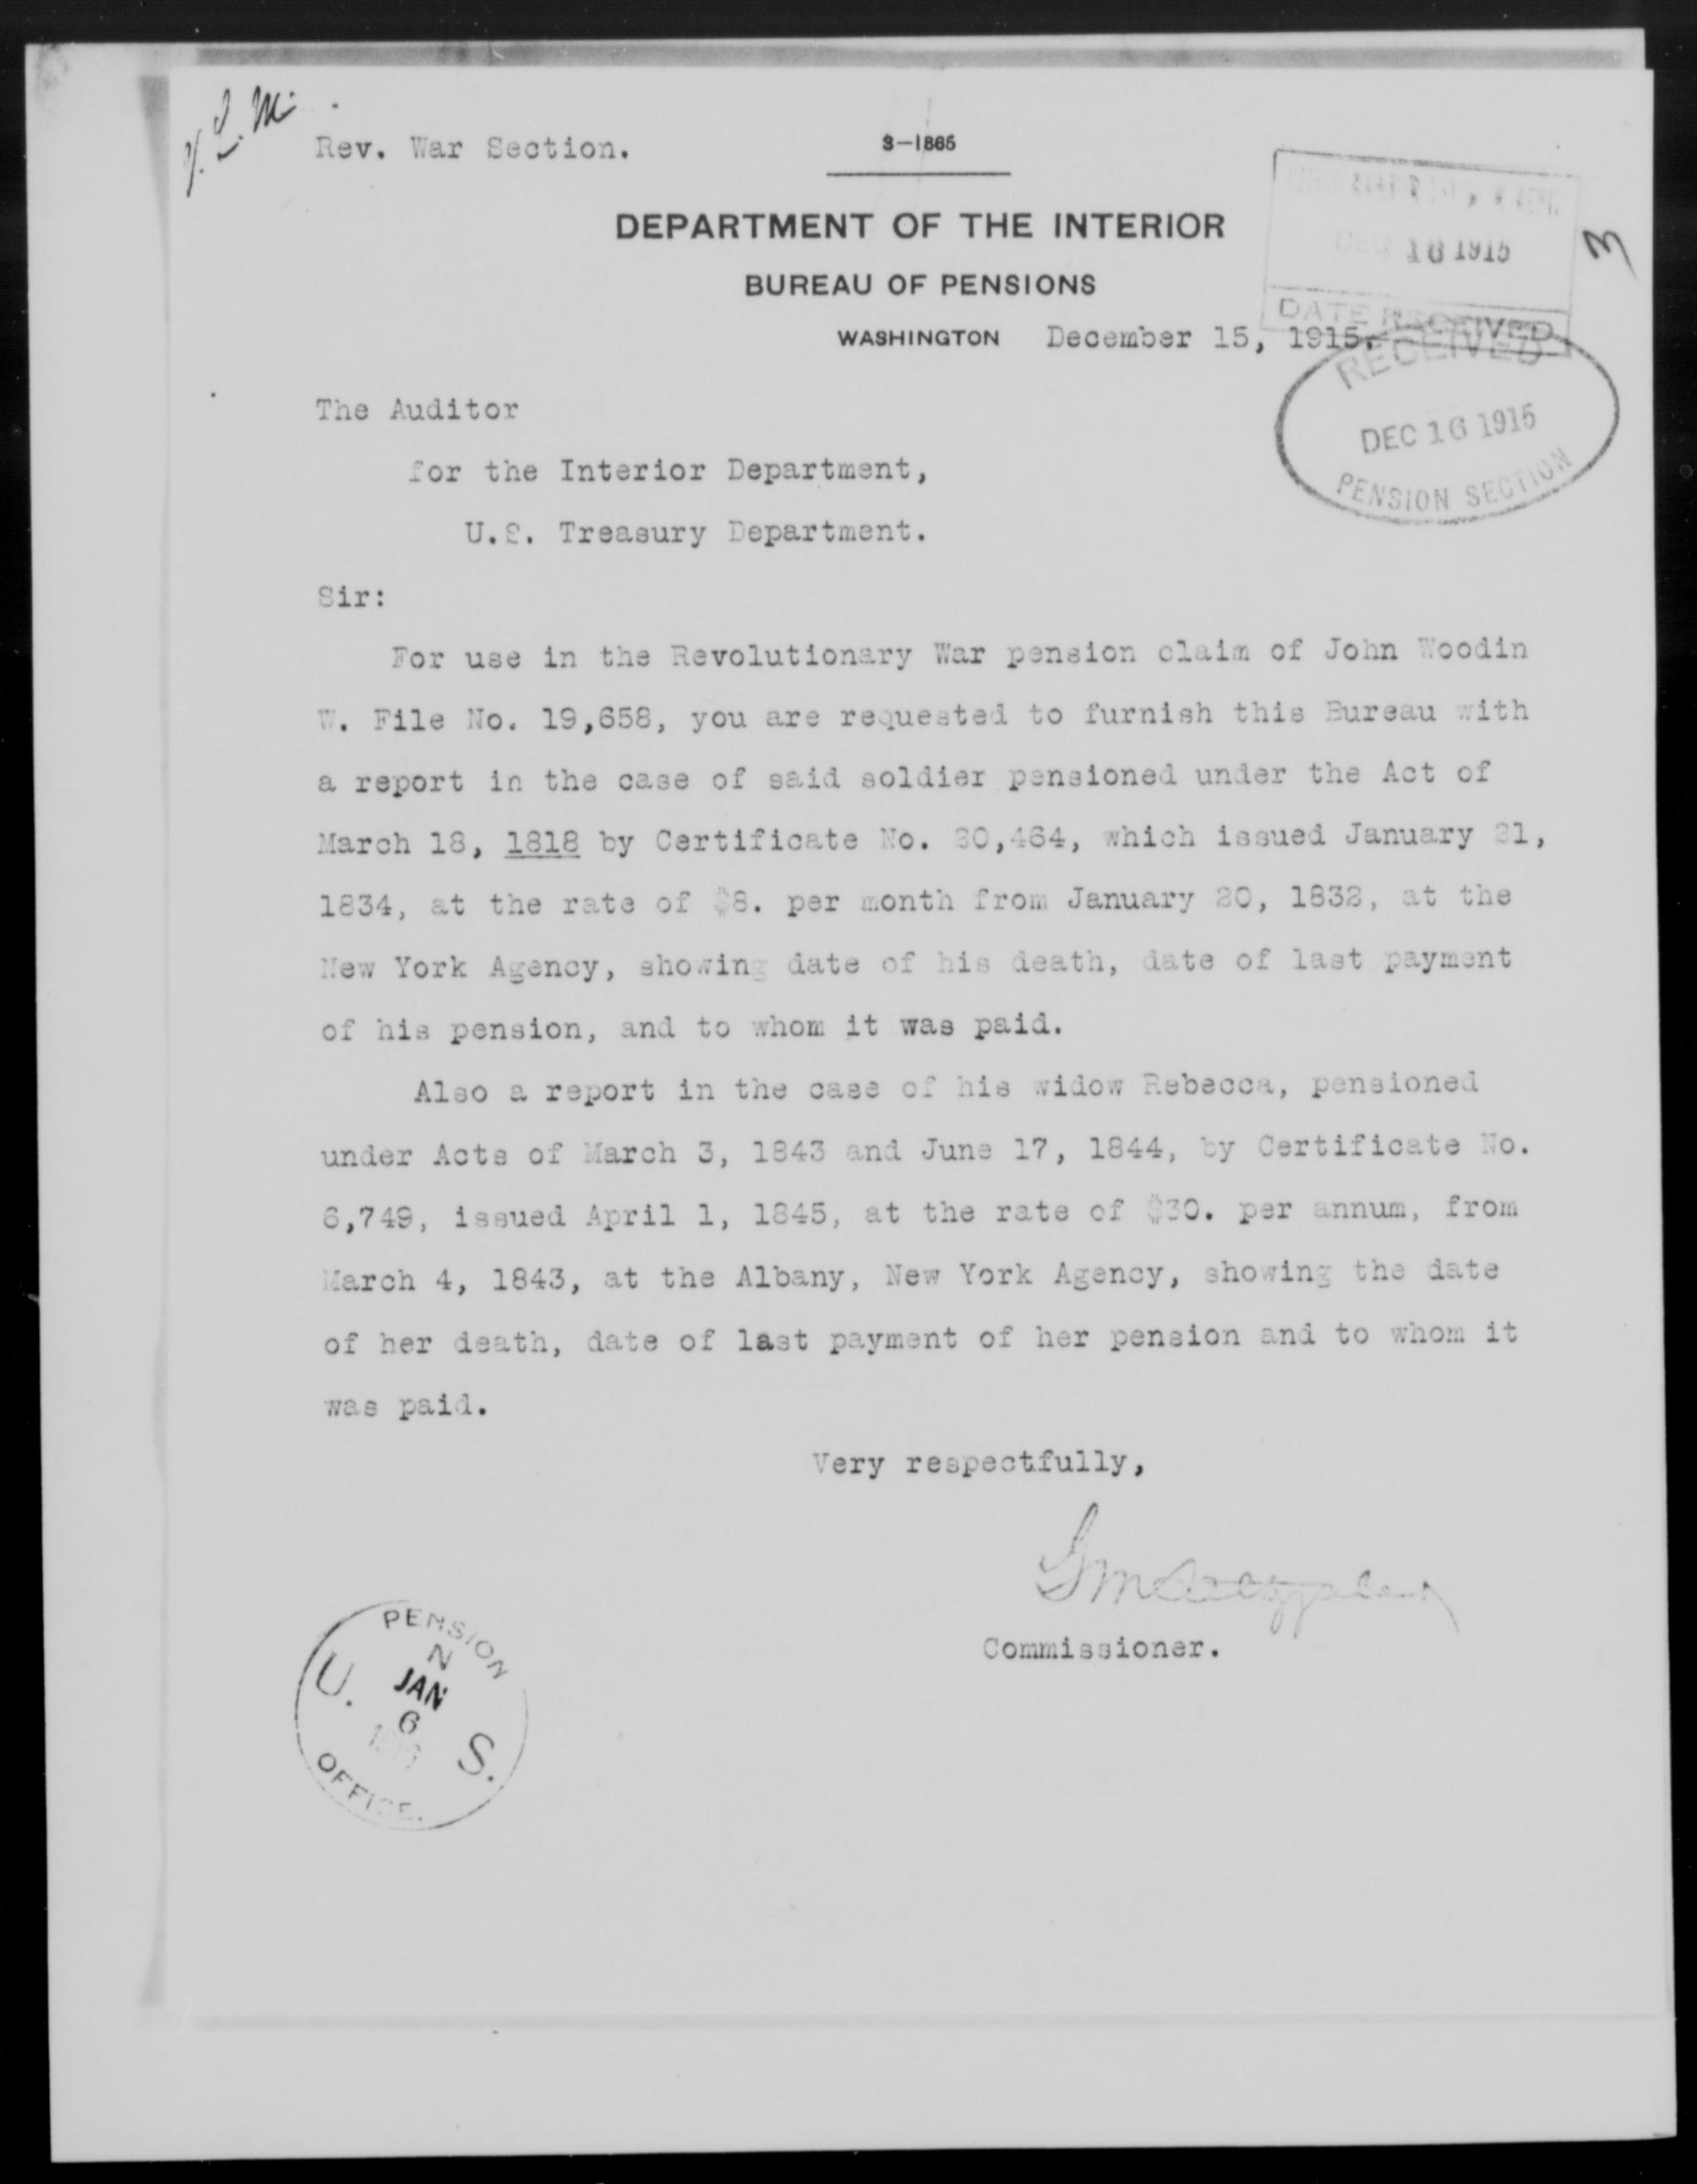Rev. War Section. 
3 - 1866 
DEPARTMENT OF THE INTERIOR 
BUREAU OF PENSIONS 
WASHINGTON December 15, 
The Auditor
for the Interior Department, 
U. S. Treasury Department. 
Sir:
For use in the Revolutionary War pension claim of John Woodin W. File No. 19,658, you are requested to furnish this Bureau with a report in the case of said soldier pensioned under the Act of March 18, 1818 by Certificate No. 30,464, which issued January 21, 1834, at the rate of $8. per month from January 20, 1832, at the New York Agency, showing date of his death, date of last payment of his pension, and to whom it was paid. 
Also a report in the case of his widow Rebecca, pensioned under Acts of March 3, 1843 and June 17, 1844, by Certificate No. 6,749, issued April 1, 1845, at the rate of $30. per annum, from March 4, 1843, at the Albany, New York Agency, showing the date of her death, date of last payment of her pension and to whom it was paid. 
Very respectfully, 
[signature illegible]
Commissioner.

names: G M Saltzgaber, Rebecca, John Woodin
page: 49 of 77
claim: widow's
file: W. 19658, John Woodin, New York